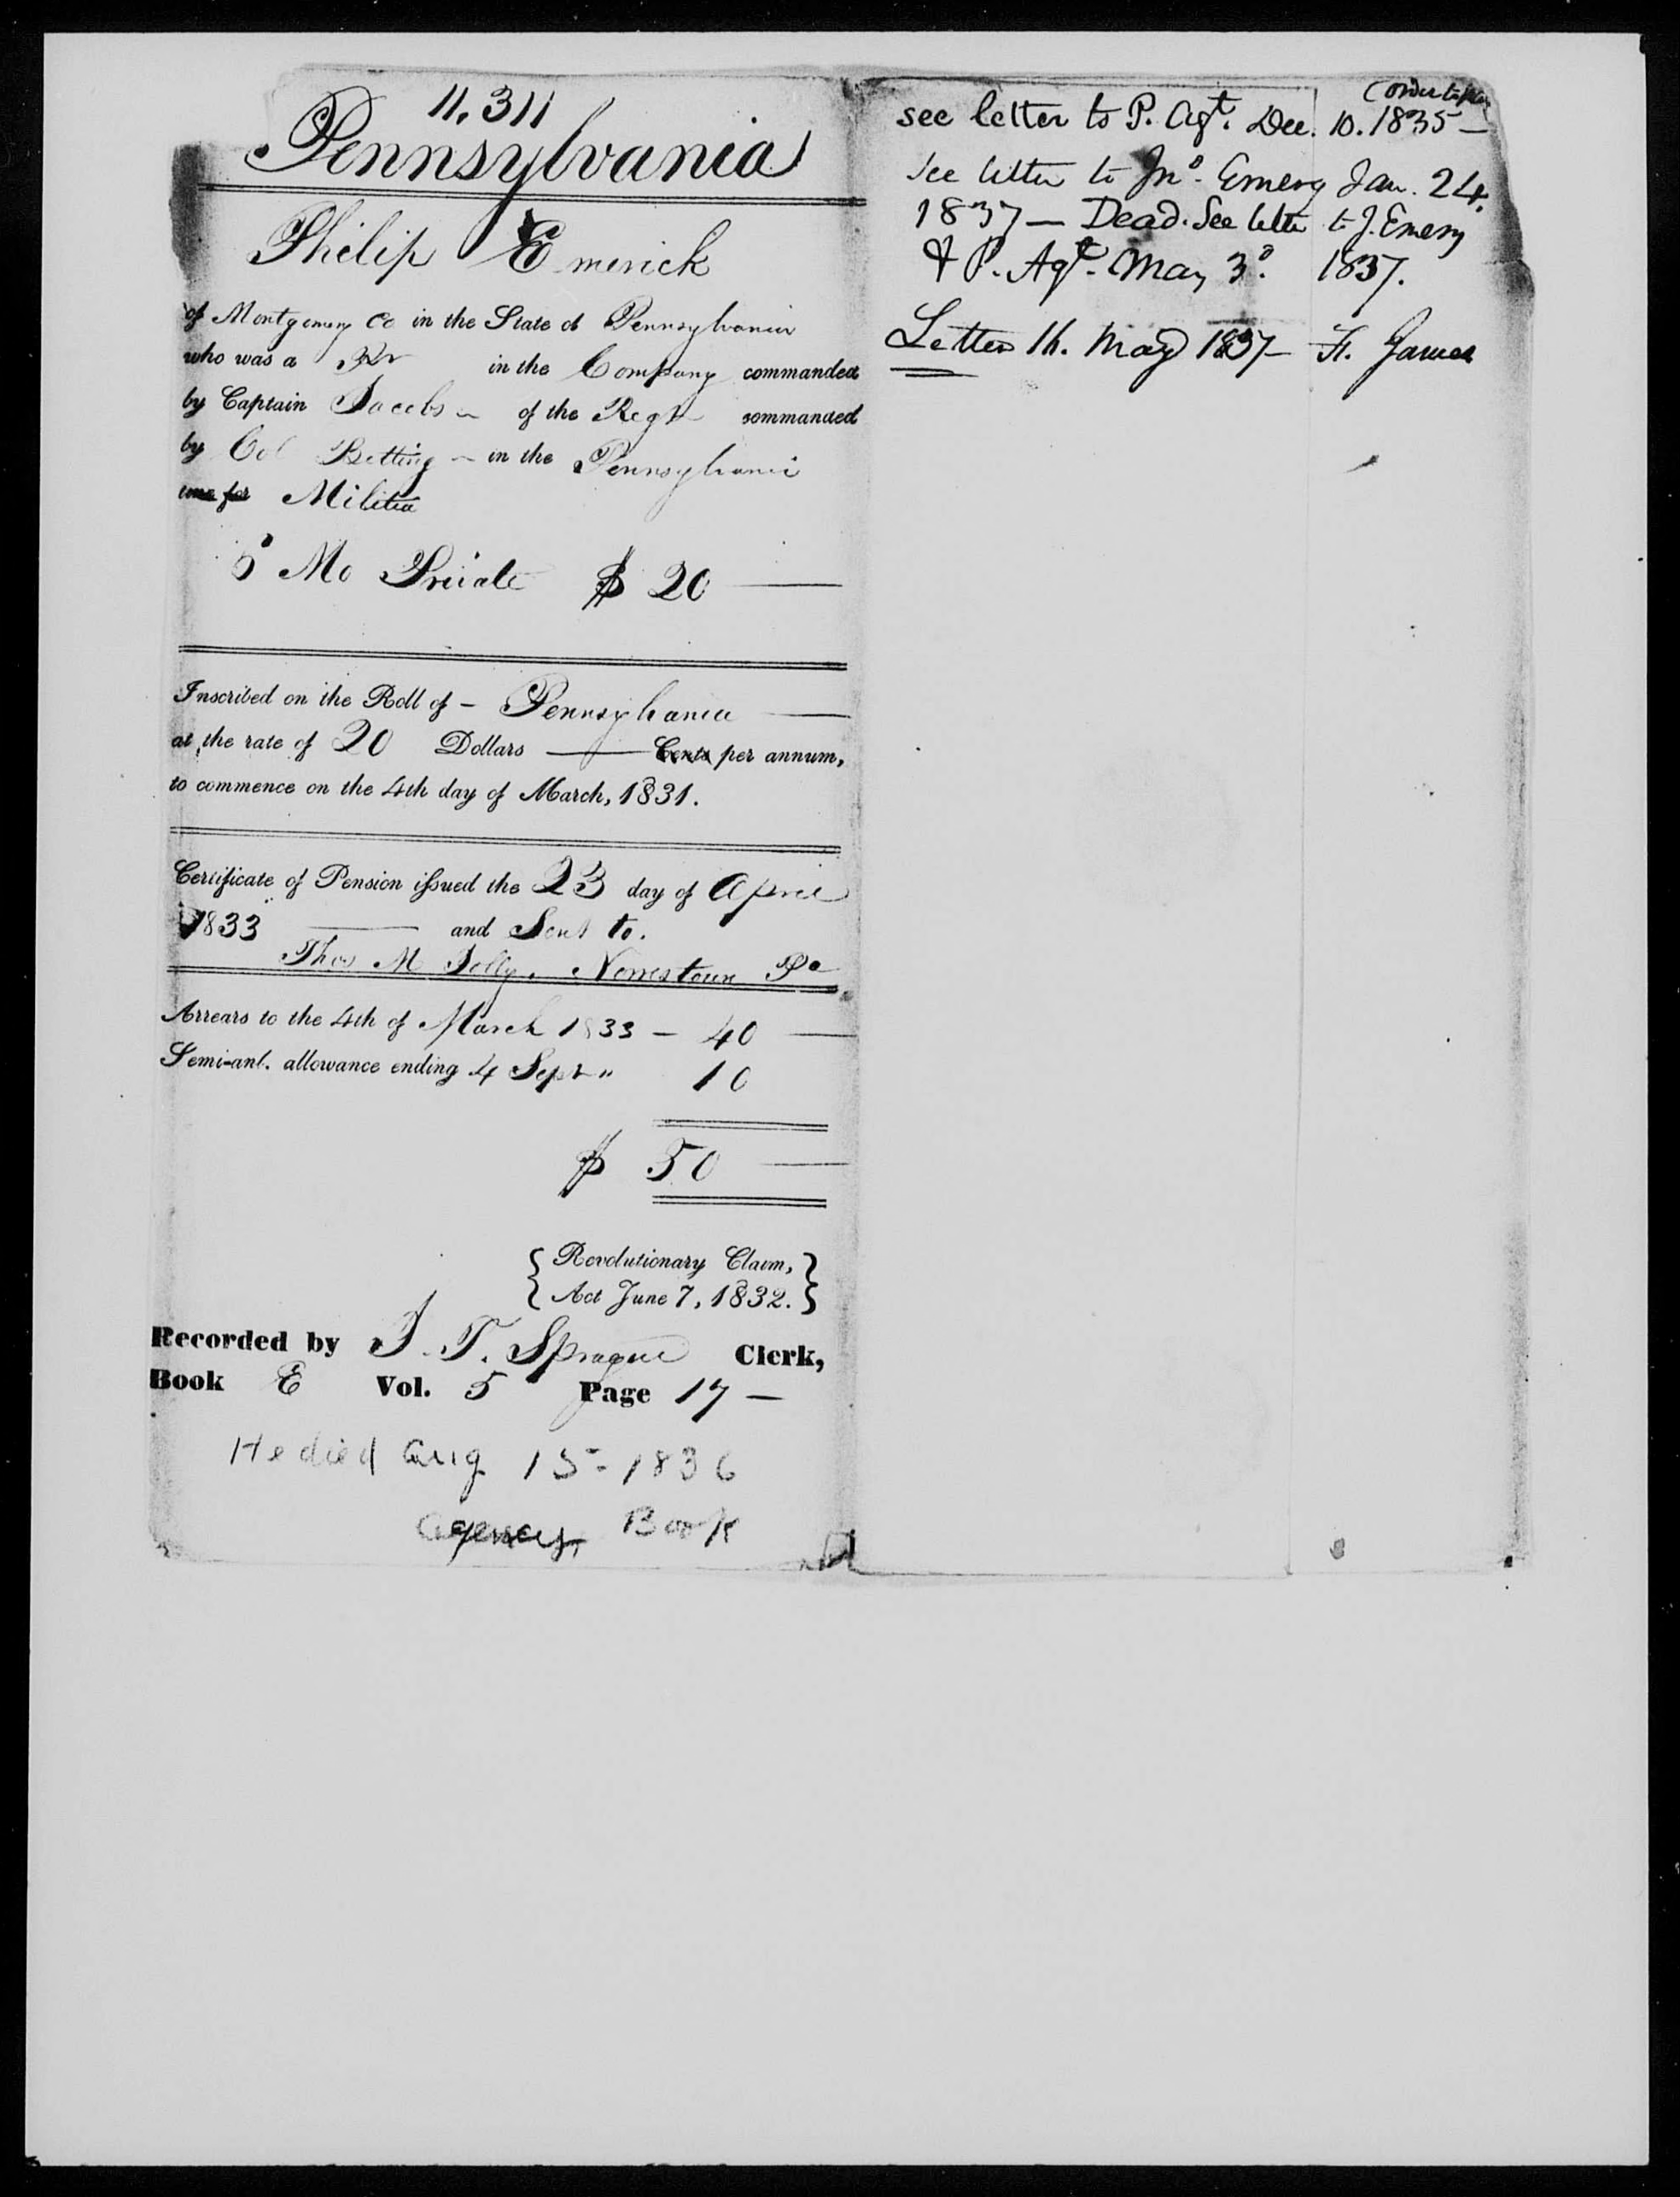11.311
Pennsylvania
-----------
Philip Emerick
of Montgomery Co in the State of Pennsylvania
who was a Pv in the Company commanded
by Captain Jacobs of the Regt commanded
by Col Betting in the Pennsylvania
time for Militia
6 Mo Private  $20-----
---------
Inscribed on the Roll of Pennsylvania
the rate of 20 Dollars - --Cents per annum,
to commence on the 4th day of March, 1831.
--------------
Certificate of Pension issued the 23 day of April 1833-----and sent to 
Thos. M Solly, Norristown, Pa.
---------------------------
Arrears to the 4th of March 1833- 40-
Semi-anl. allowance ending 4 Sept "  10
                                             -----------
                                             $50---
{Revolutionary Claim,}
{Act June 7, 1832.}
Recorded by J T Sprague Clerk,
Book E  Vol. 5    Page 17
He died Aug 15. 1836
[illegible] Book

see letter to P. Agt. Dec. 10 1835 [illegible text above]
See letter to Jno. Emery Jan. 24
1837-Dead. See let to J. Emery
& P. Agt May 3d 1837.
Letter 16 May 1837 F. James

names: J Emery, J T Sprague, Jno Emery, Thos M Jolly, Betting, Jacobs, Philip Emerick, F James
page: 2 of 29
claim: survivor's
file: S. 23618, Philip Emerick, Penn.